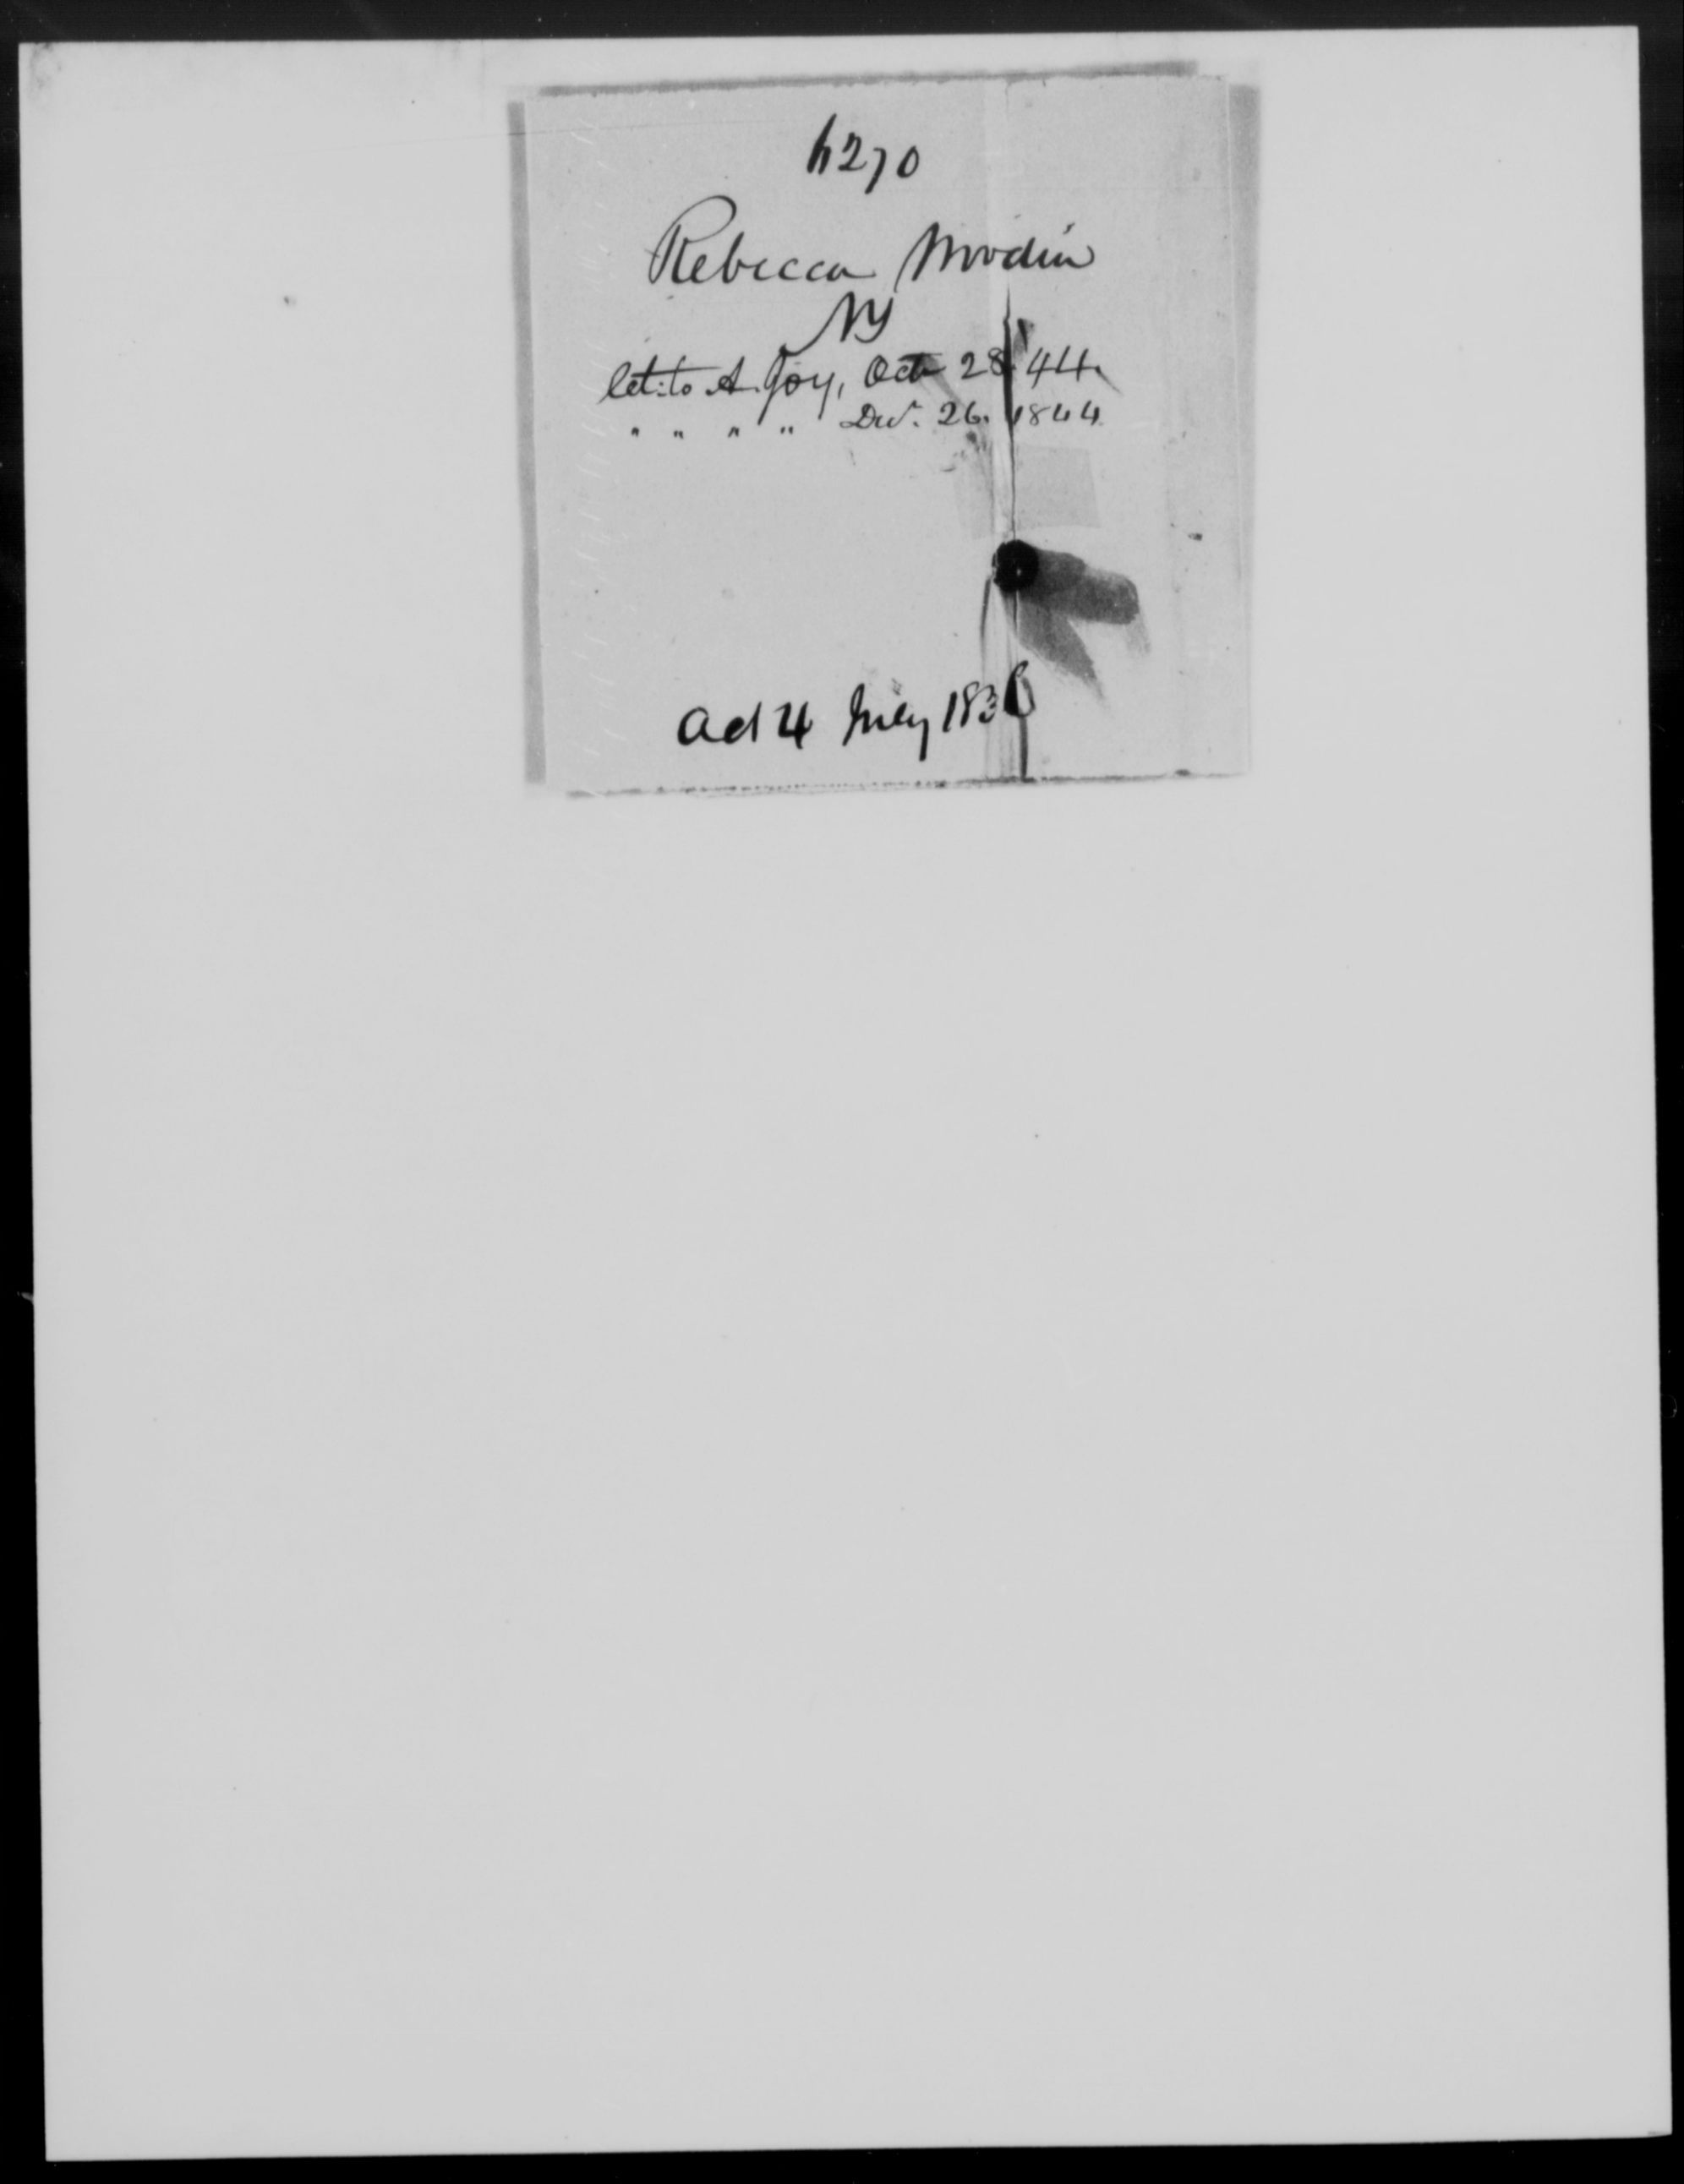6270
Rebecca Woodin
NY
let to A Joy, Oct 28 '44
" Dec 26 1844
Act 4 July 1836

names: Rebecca Woodin, A Joy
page: 53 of 77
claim: widow's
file: W. 19658, John Woodin, New York